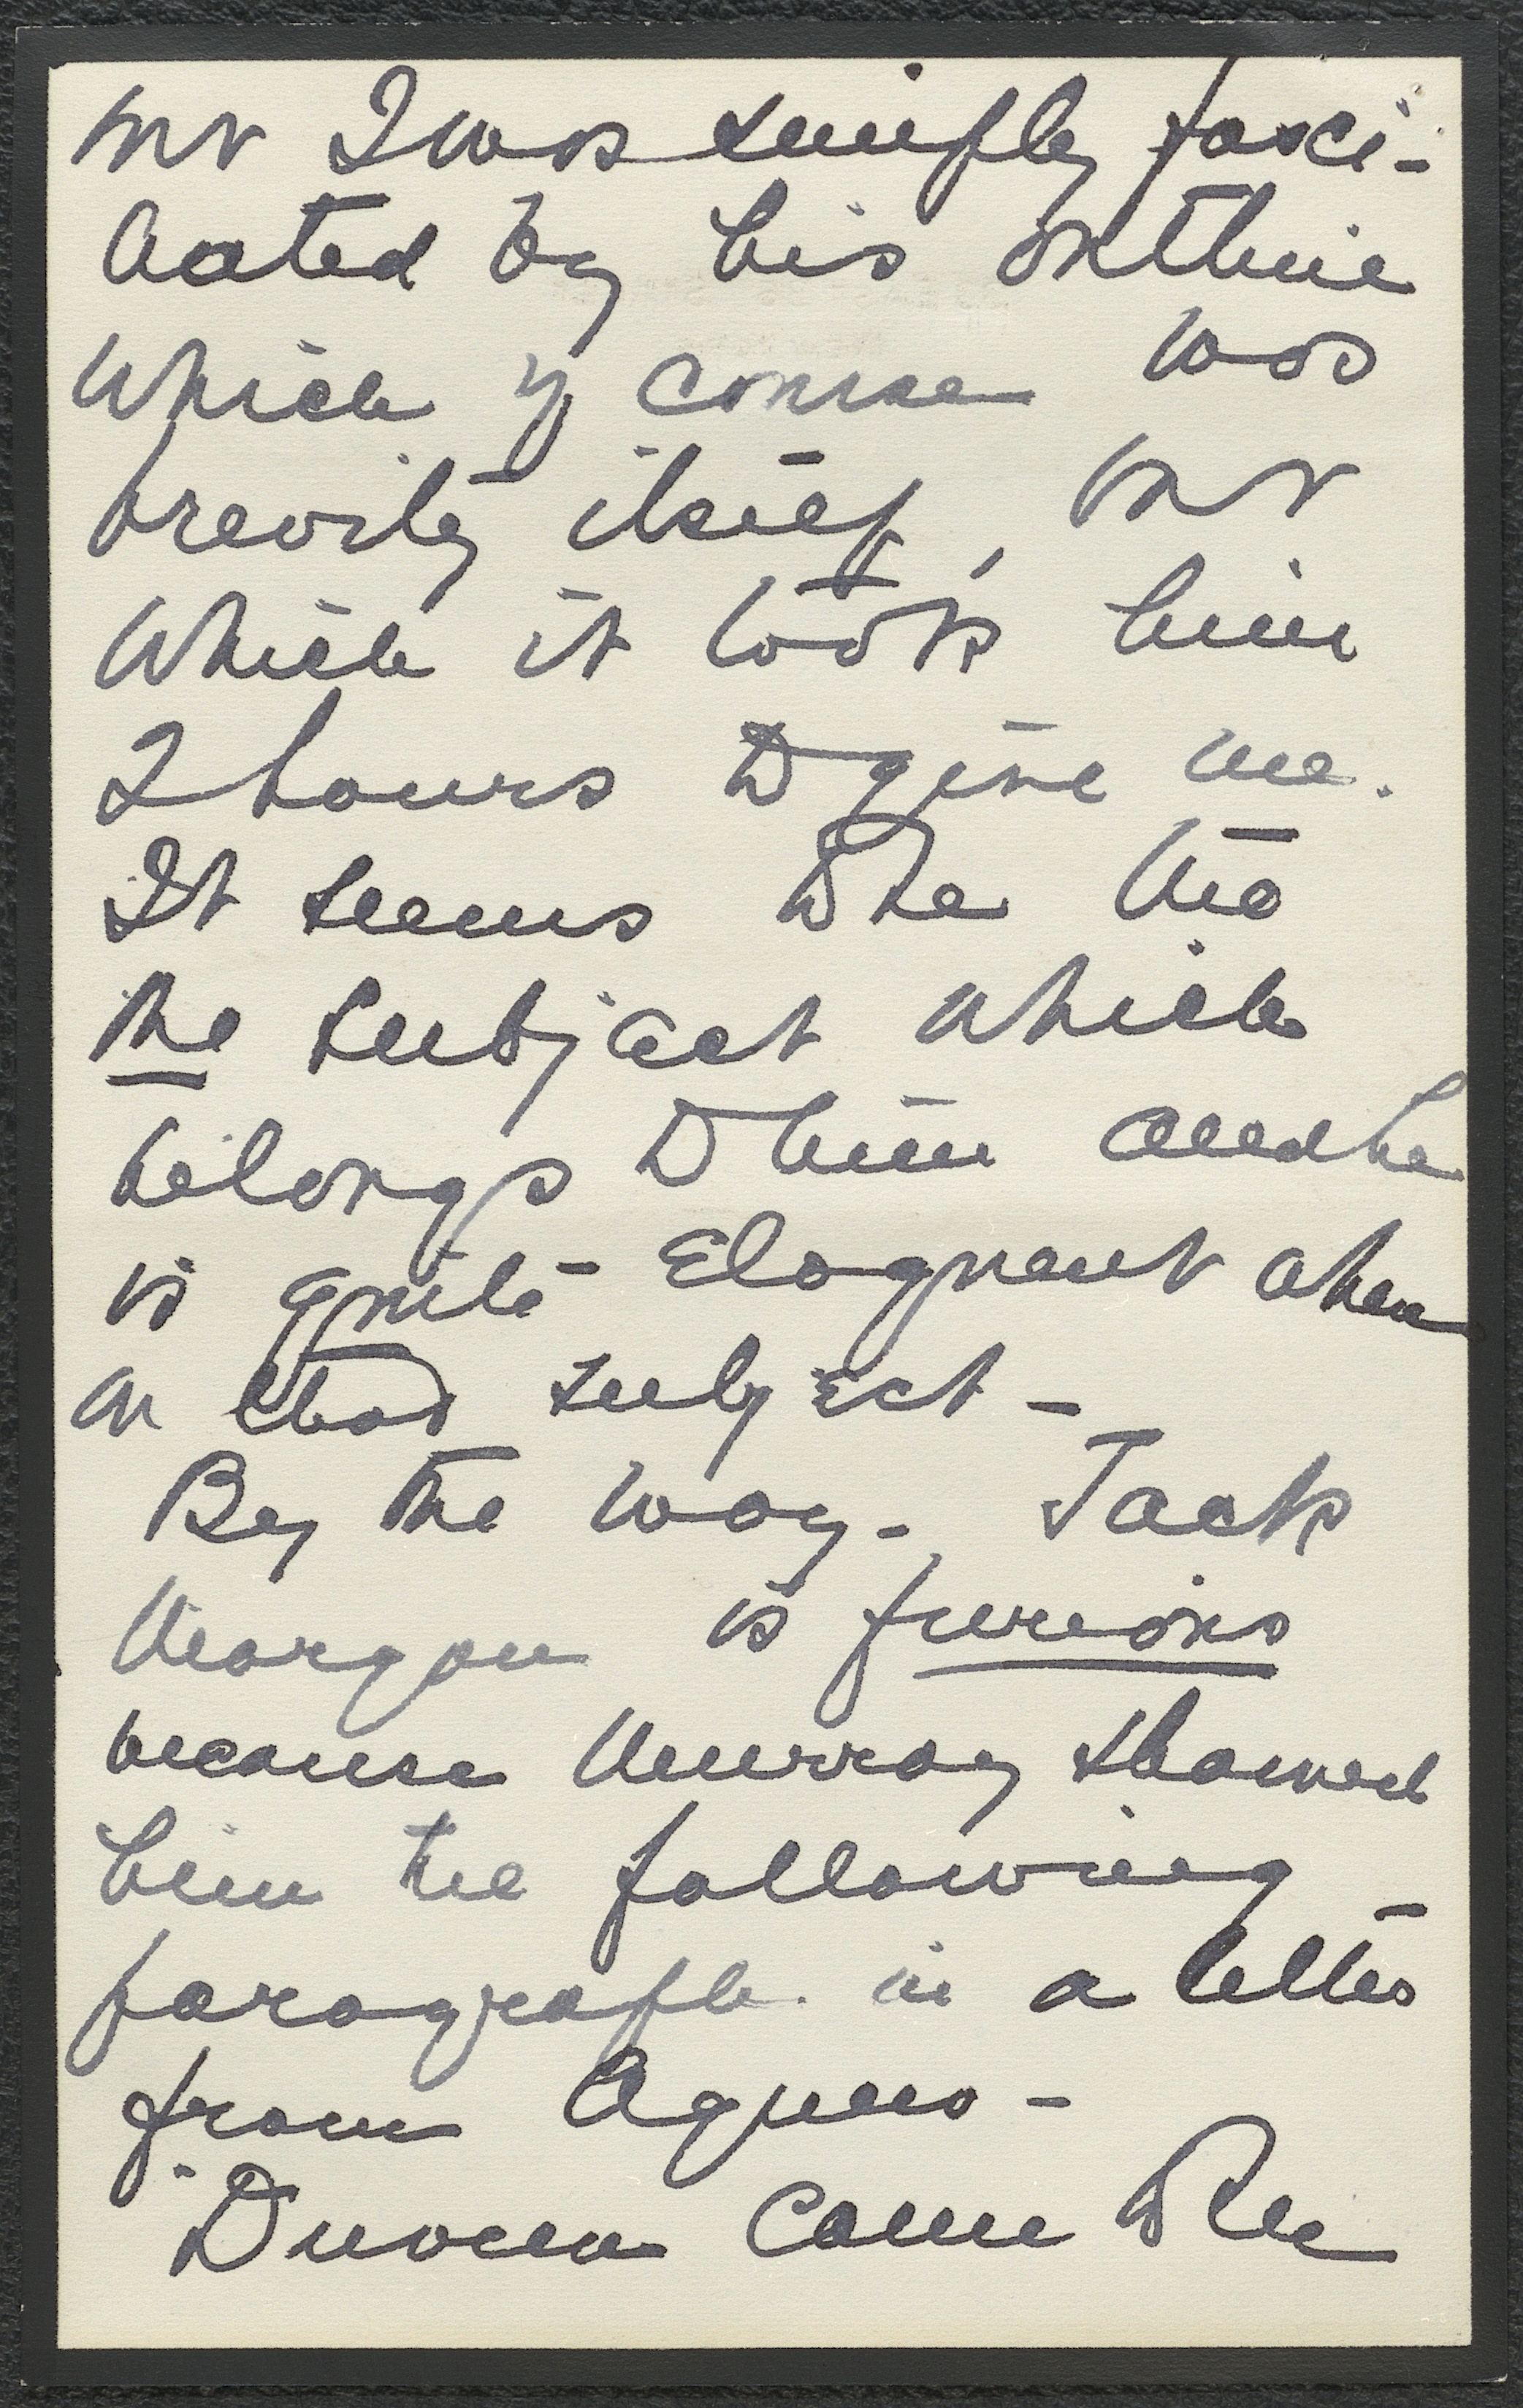but I was simply fascinated by his outline which of course was brevity itself, but which it took him 2 hours to give me. It seems to be the one subject which belongs to him and he is quite eloquent when on that subject –
By the way – Jack Morgan is furious because Murray showed him the following paragraph in a letter from Agnew –
“Duveen came to see